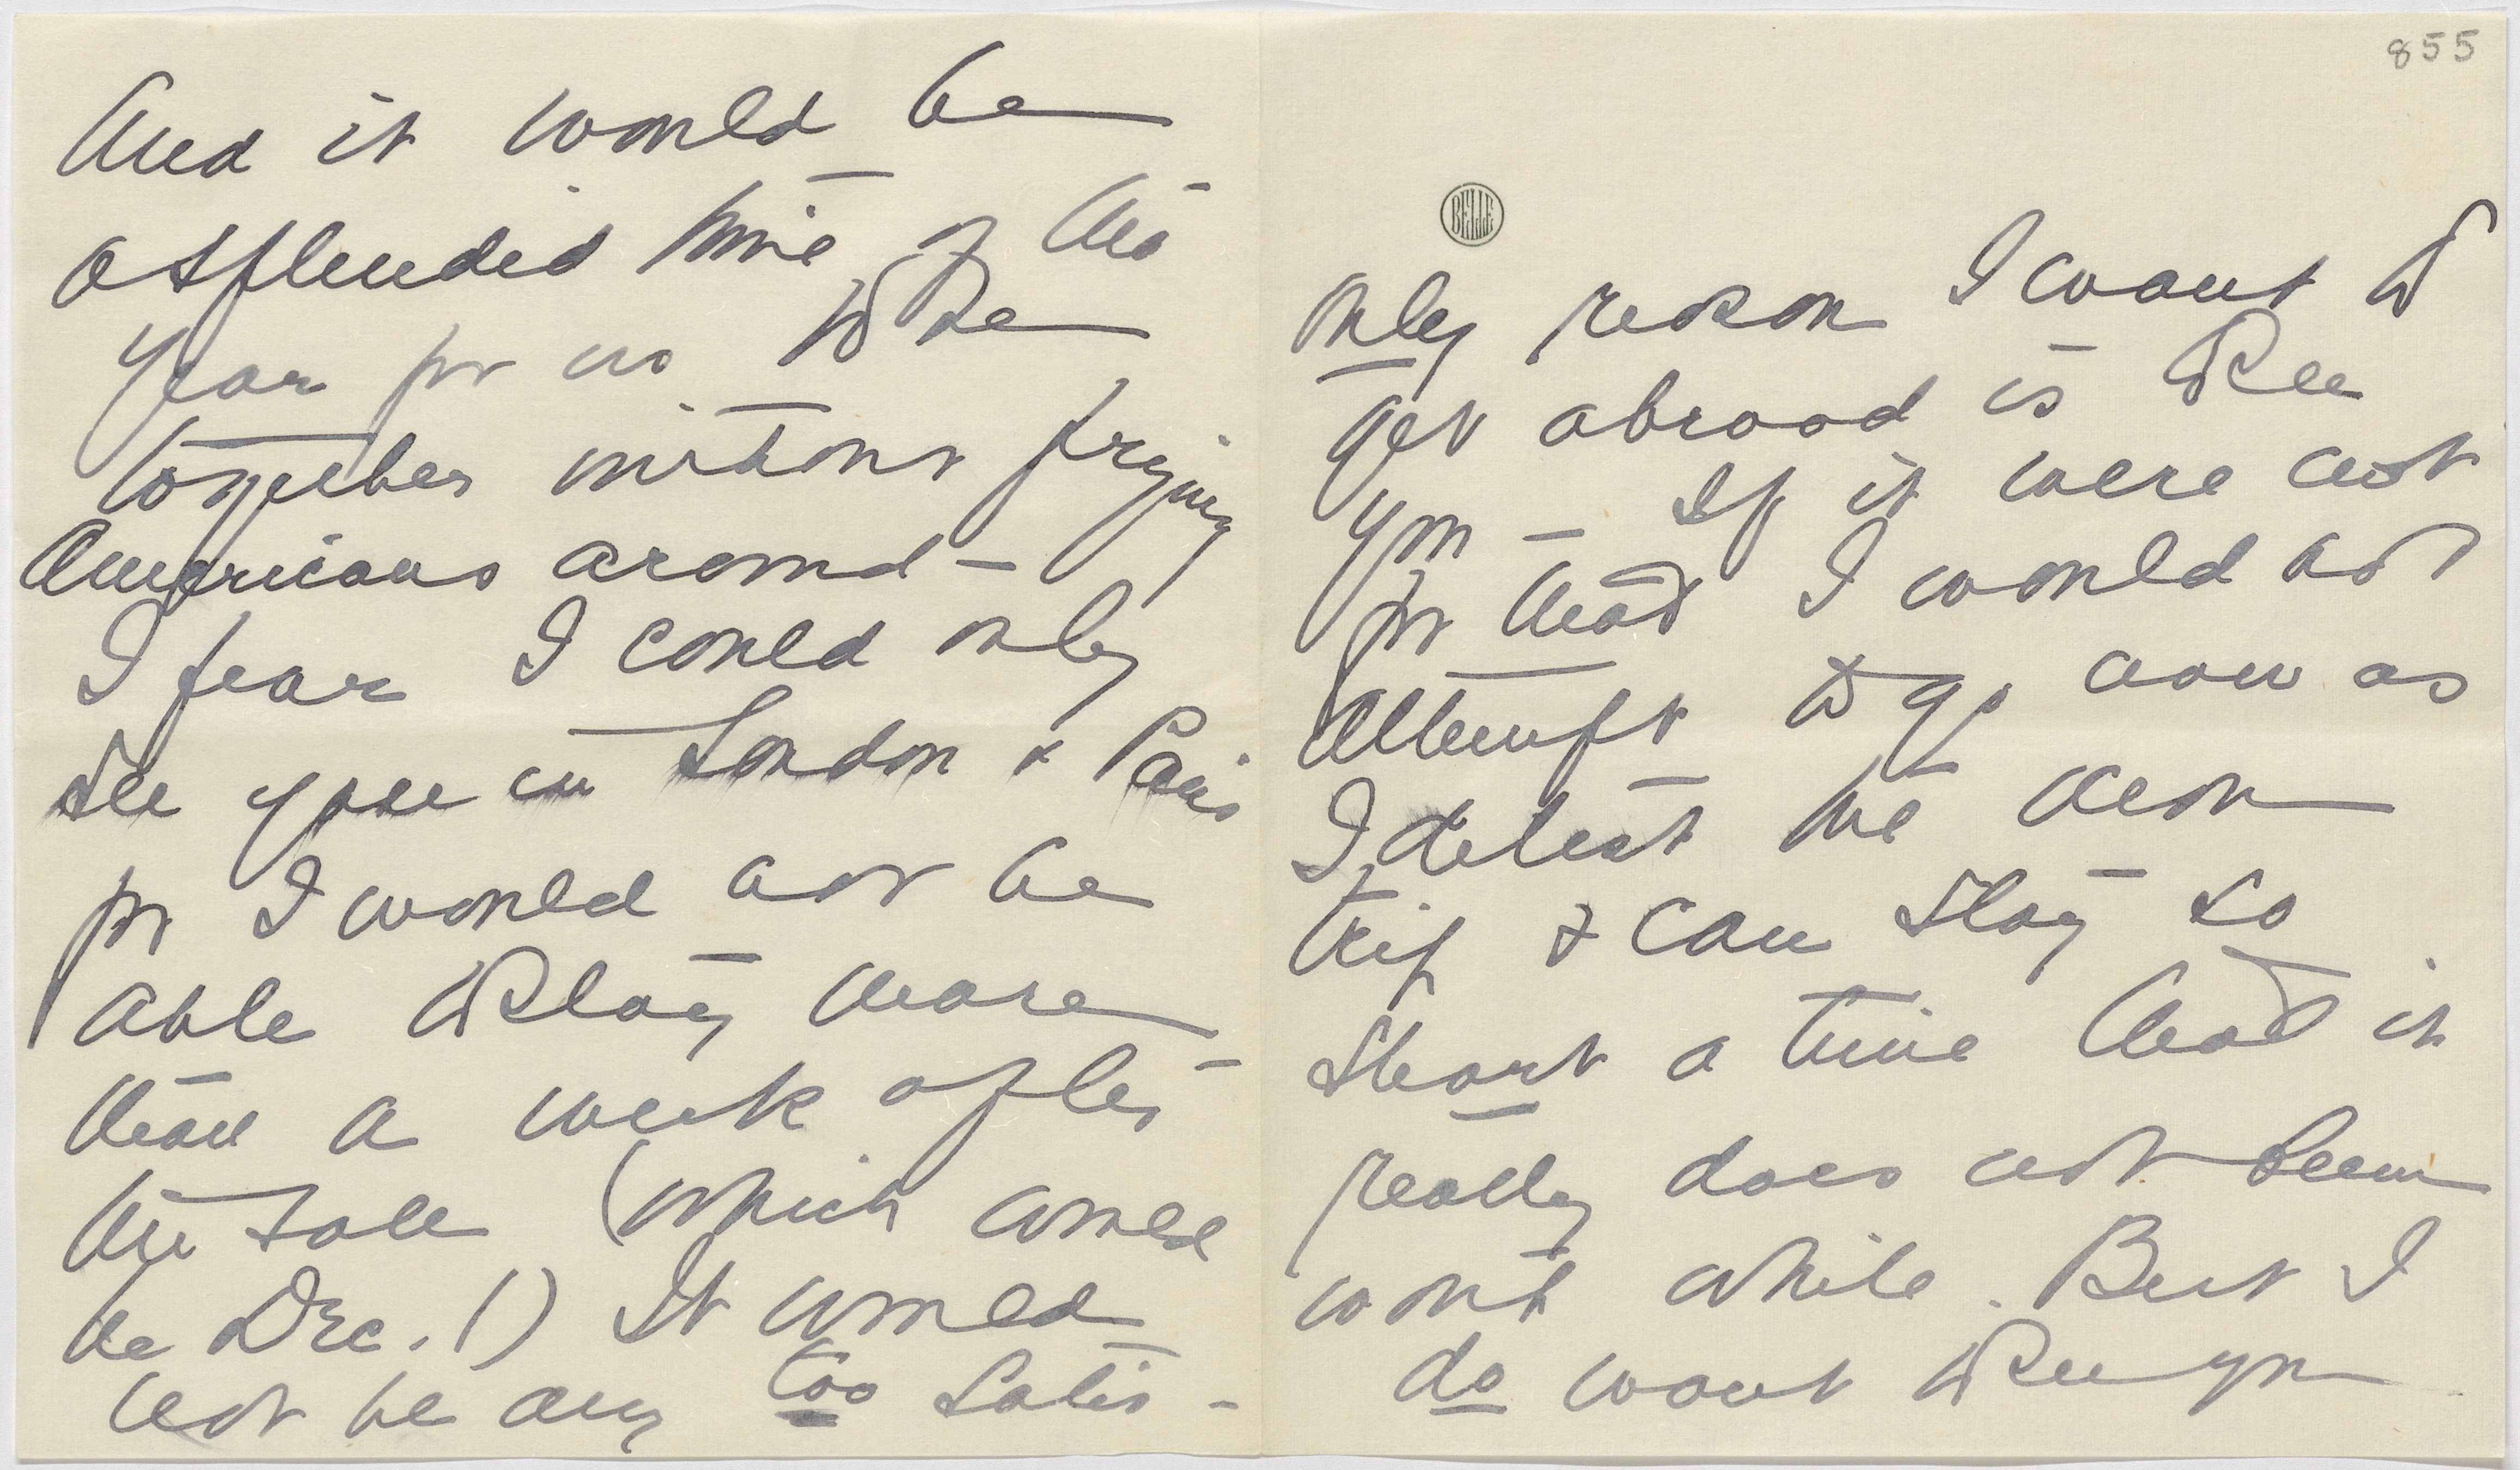only reason I want to get abroad is to see you – If it were not for that I would not attempt to go now as I detest the ocean trip & can stay so short a time that it really does not seem worth while. But I do want to see you
And it would be a splendid time of the Year for us to be together without prying Americans around –
I fear I could only see you in London & Paris for I would not be able to stay more than a week after the sale (which would be Dec. 1) It would not be very too satisfactory